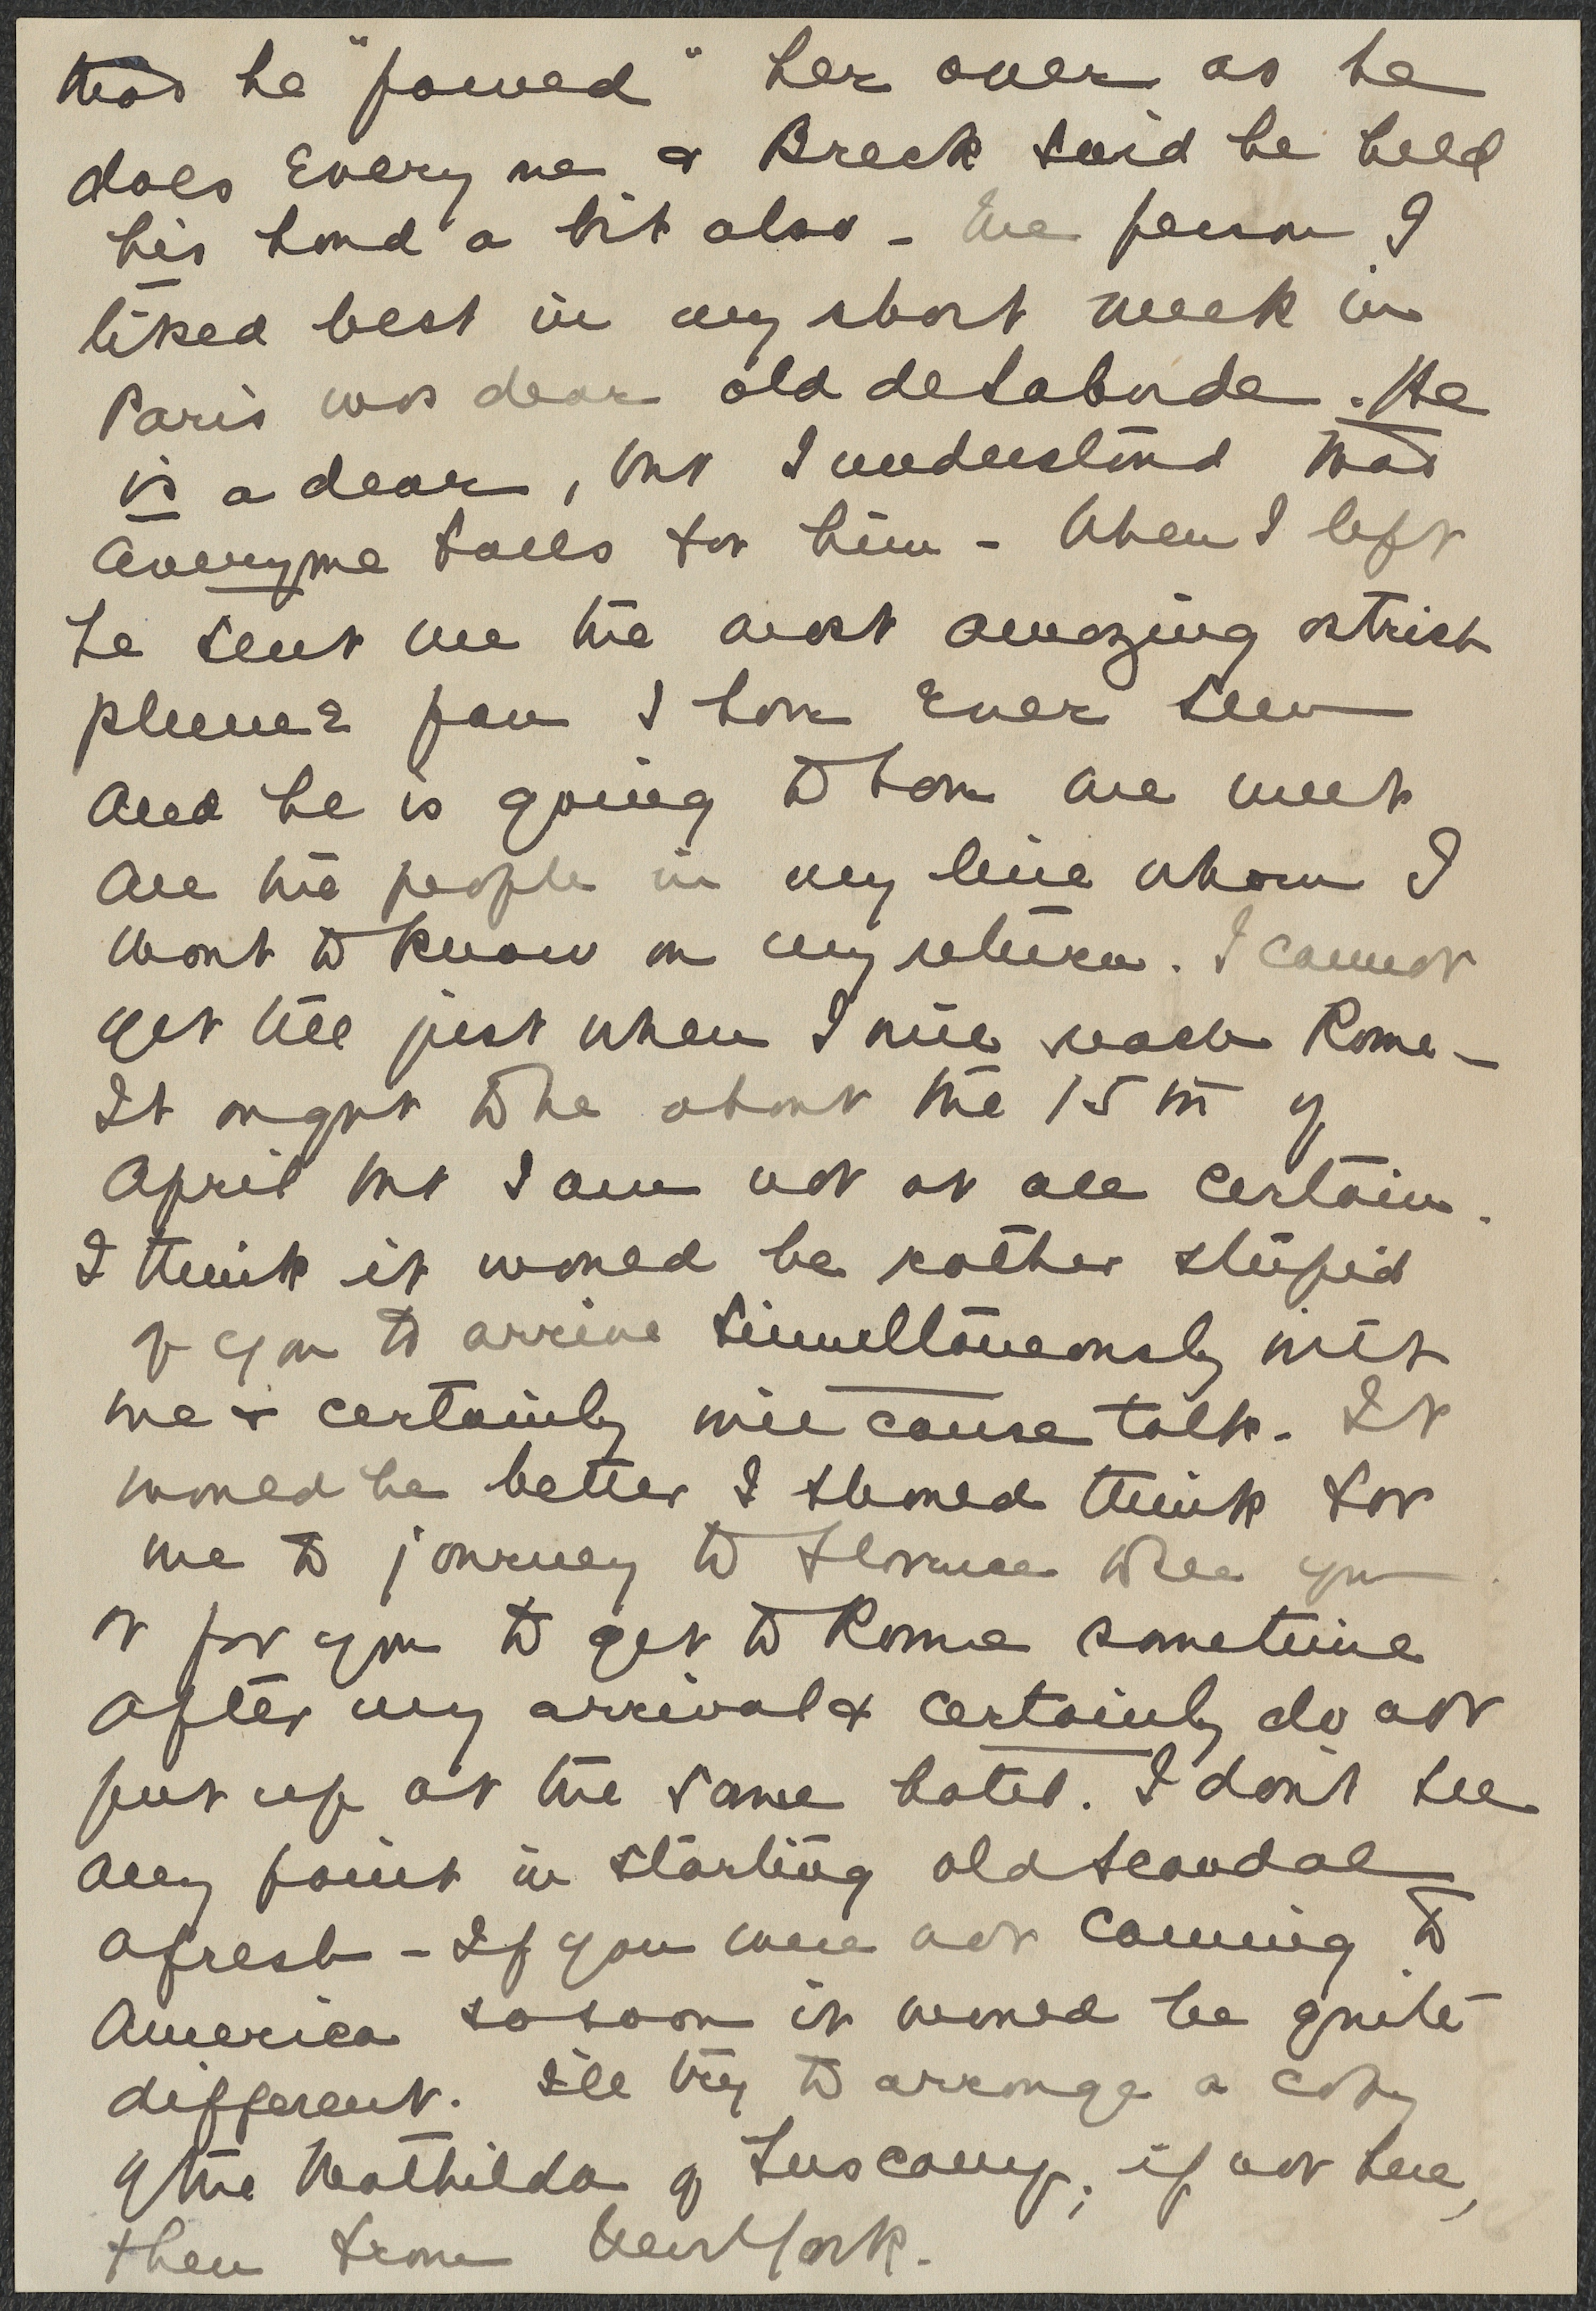that he "pawed" her over as he does every one & Breck said he held his hand a bit also – The person I liked best in my short week in Paris was dear old de de Laborde. He is a dear, but I understand that everyone falls for him – When I left he sent me the most amazing ostrich plumed fan I have ever seen and he is going to have me meet all the people in my line whom I want to know on my return. I cannot yet tell just when I will reach Rome – It ought to be about the 15th of April but I am not at all certain. I think it would be rather stupid of you to arrive simultaneously with me & certainly will cause talk. It would be better I should think for me to journey to Florence to see you or for you to get to Rome sometime after my arrival & certainly do not put up at the same hotel. I don't see any point in starting old scandal afresh – If you were not coming to American so soon it would be quite different. I'll try to arrange a copy of the Mathilda of Tuscany; if not here, then from New York.